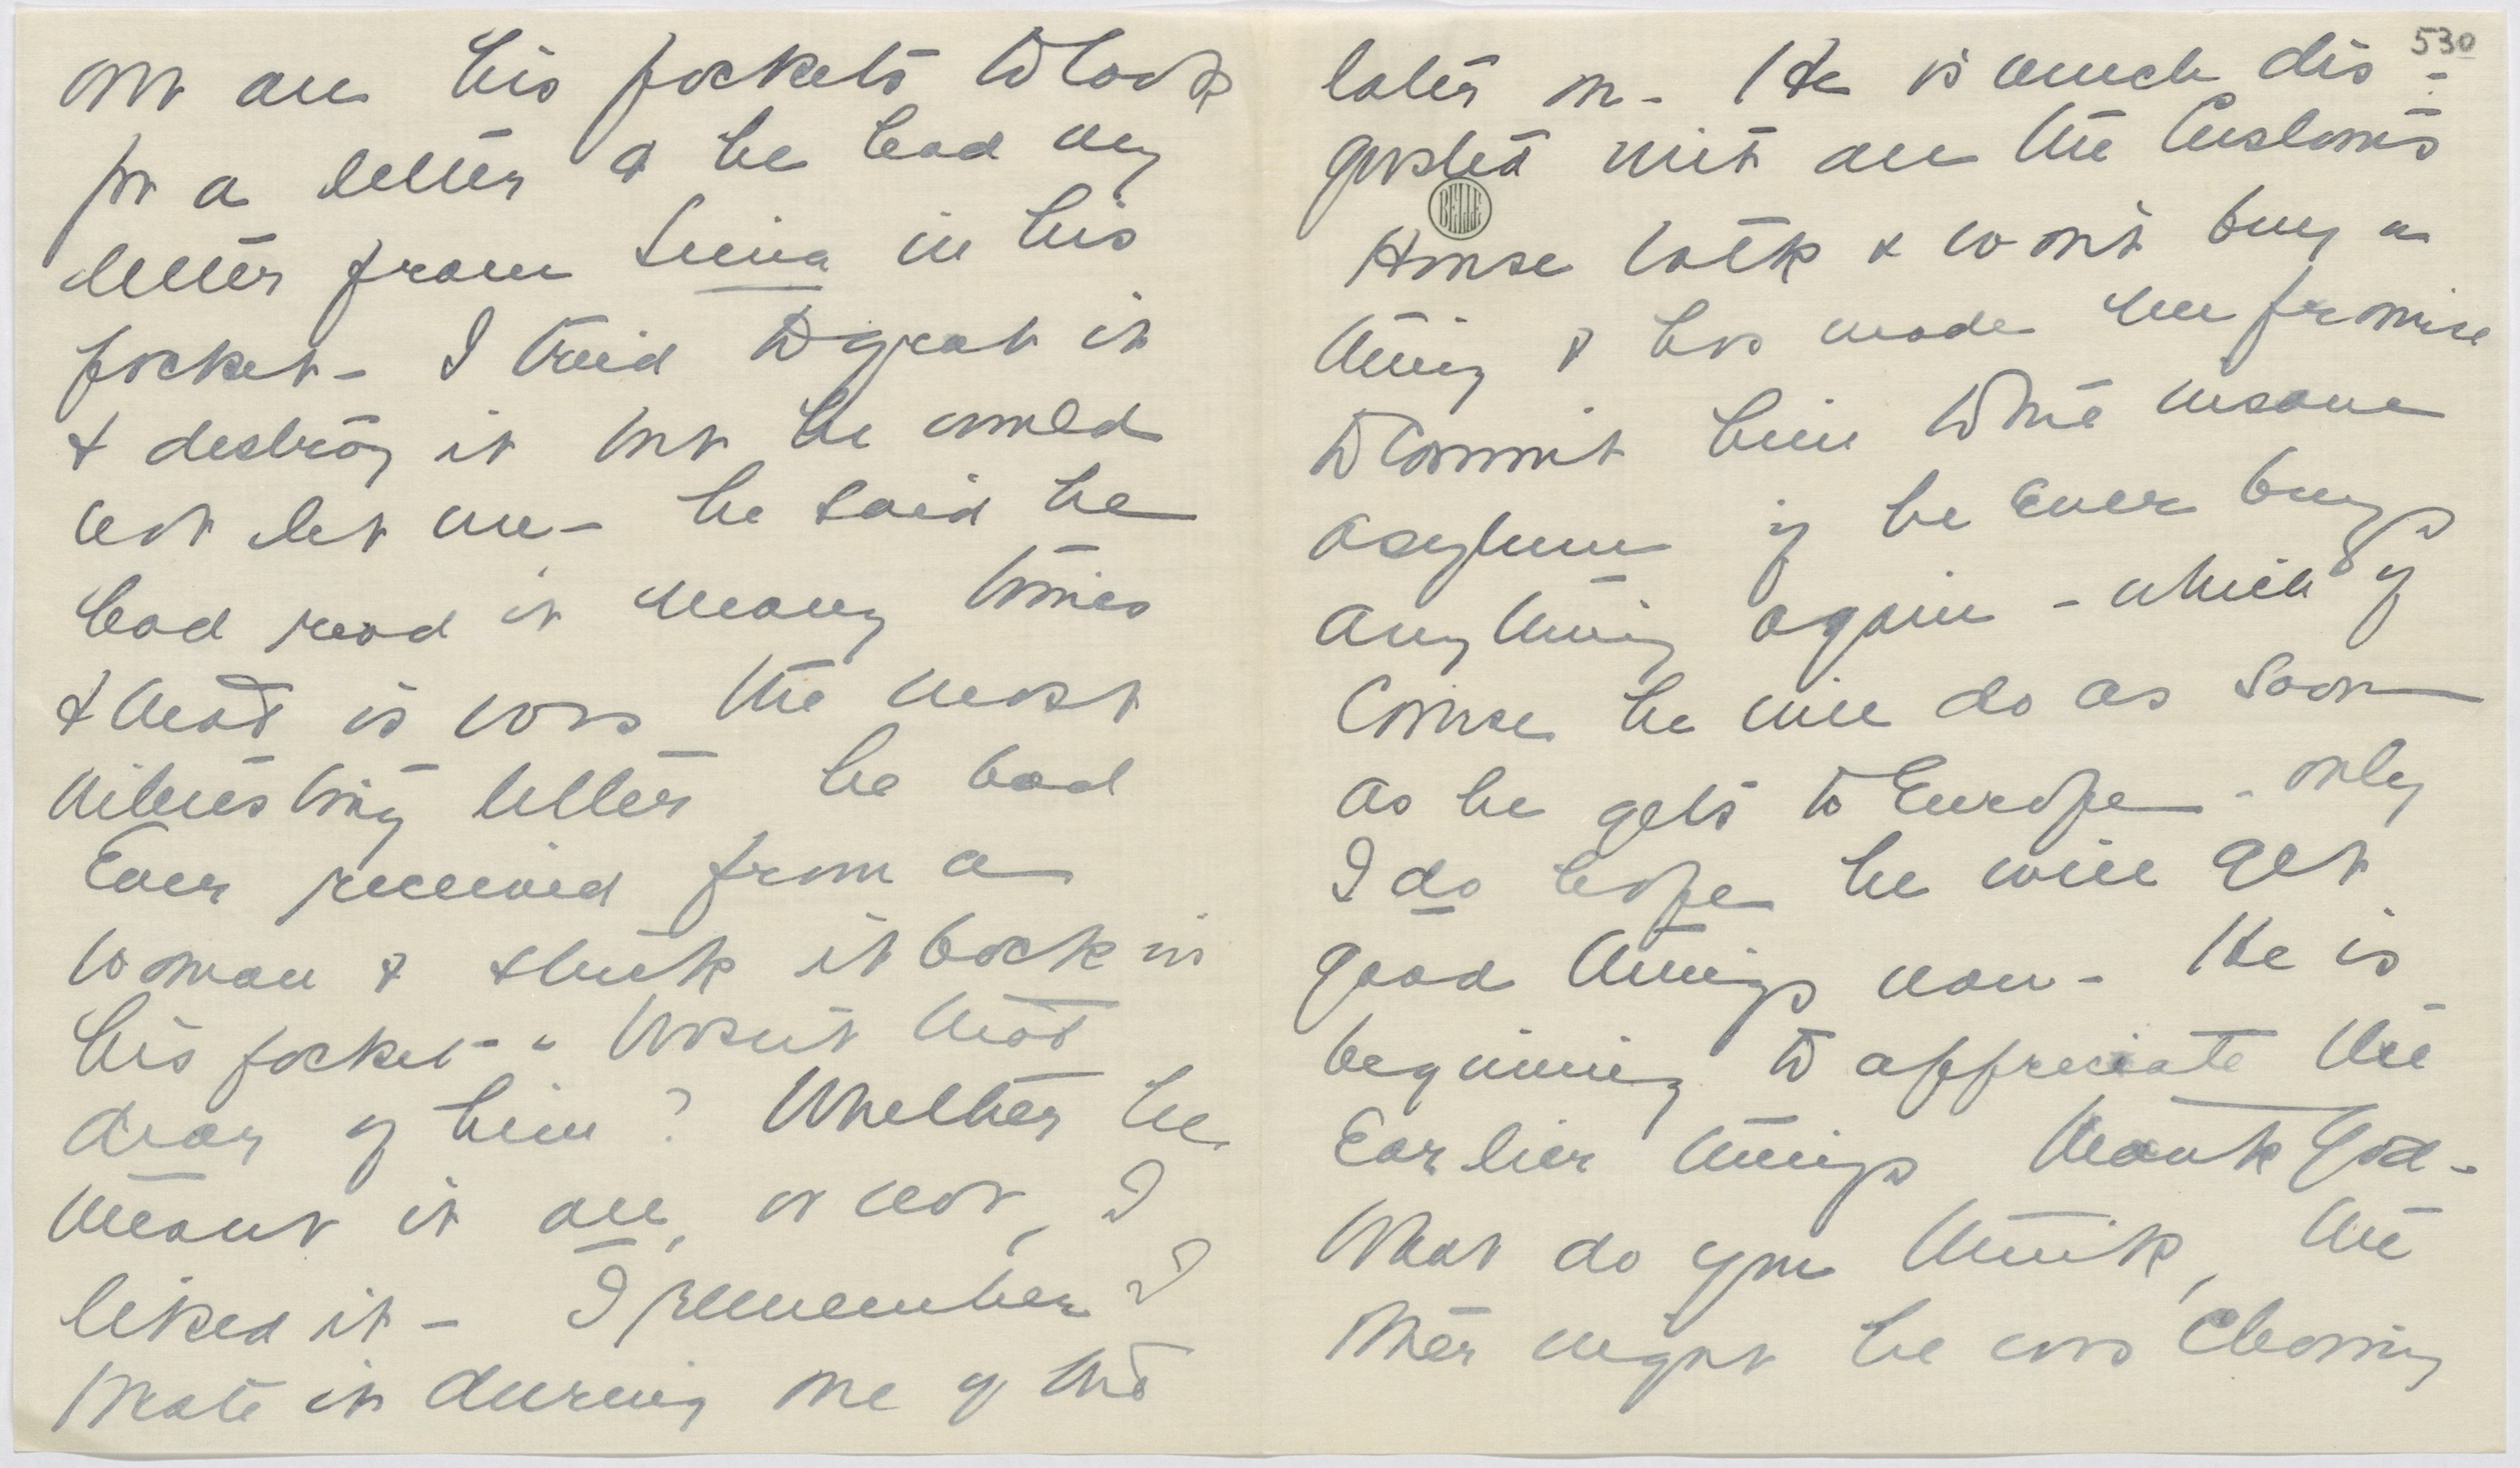later on – He is much disgusted with all the Customs House talk & won’t buy a thing & has made me promise to commit him to the insane asylum if he ever buys any thing again – which of course he will do as soon as he gets to Europe – only I do hope he will get good things now – He is beginning to appreciate the earlier things thank God – What do you think, the other night he was clearing
out all his pockets to look for a letter & he had my letter from Siena in his pocket – I tried to grab it & destroy it but he would not let me – he said he had read it many times & that it was the most interesting letter he had ever received from a woman & stuck it back in his pocket – Wasn’t that dear of him? Whether he meant it all, or not, I liked it – I remember I wrote it during one of the